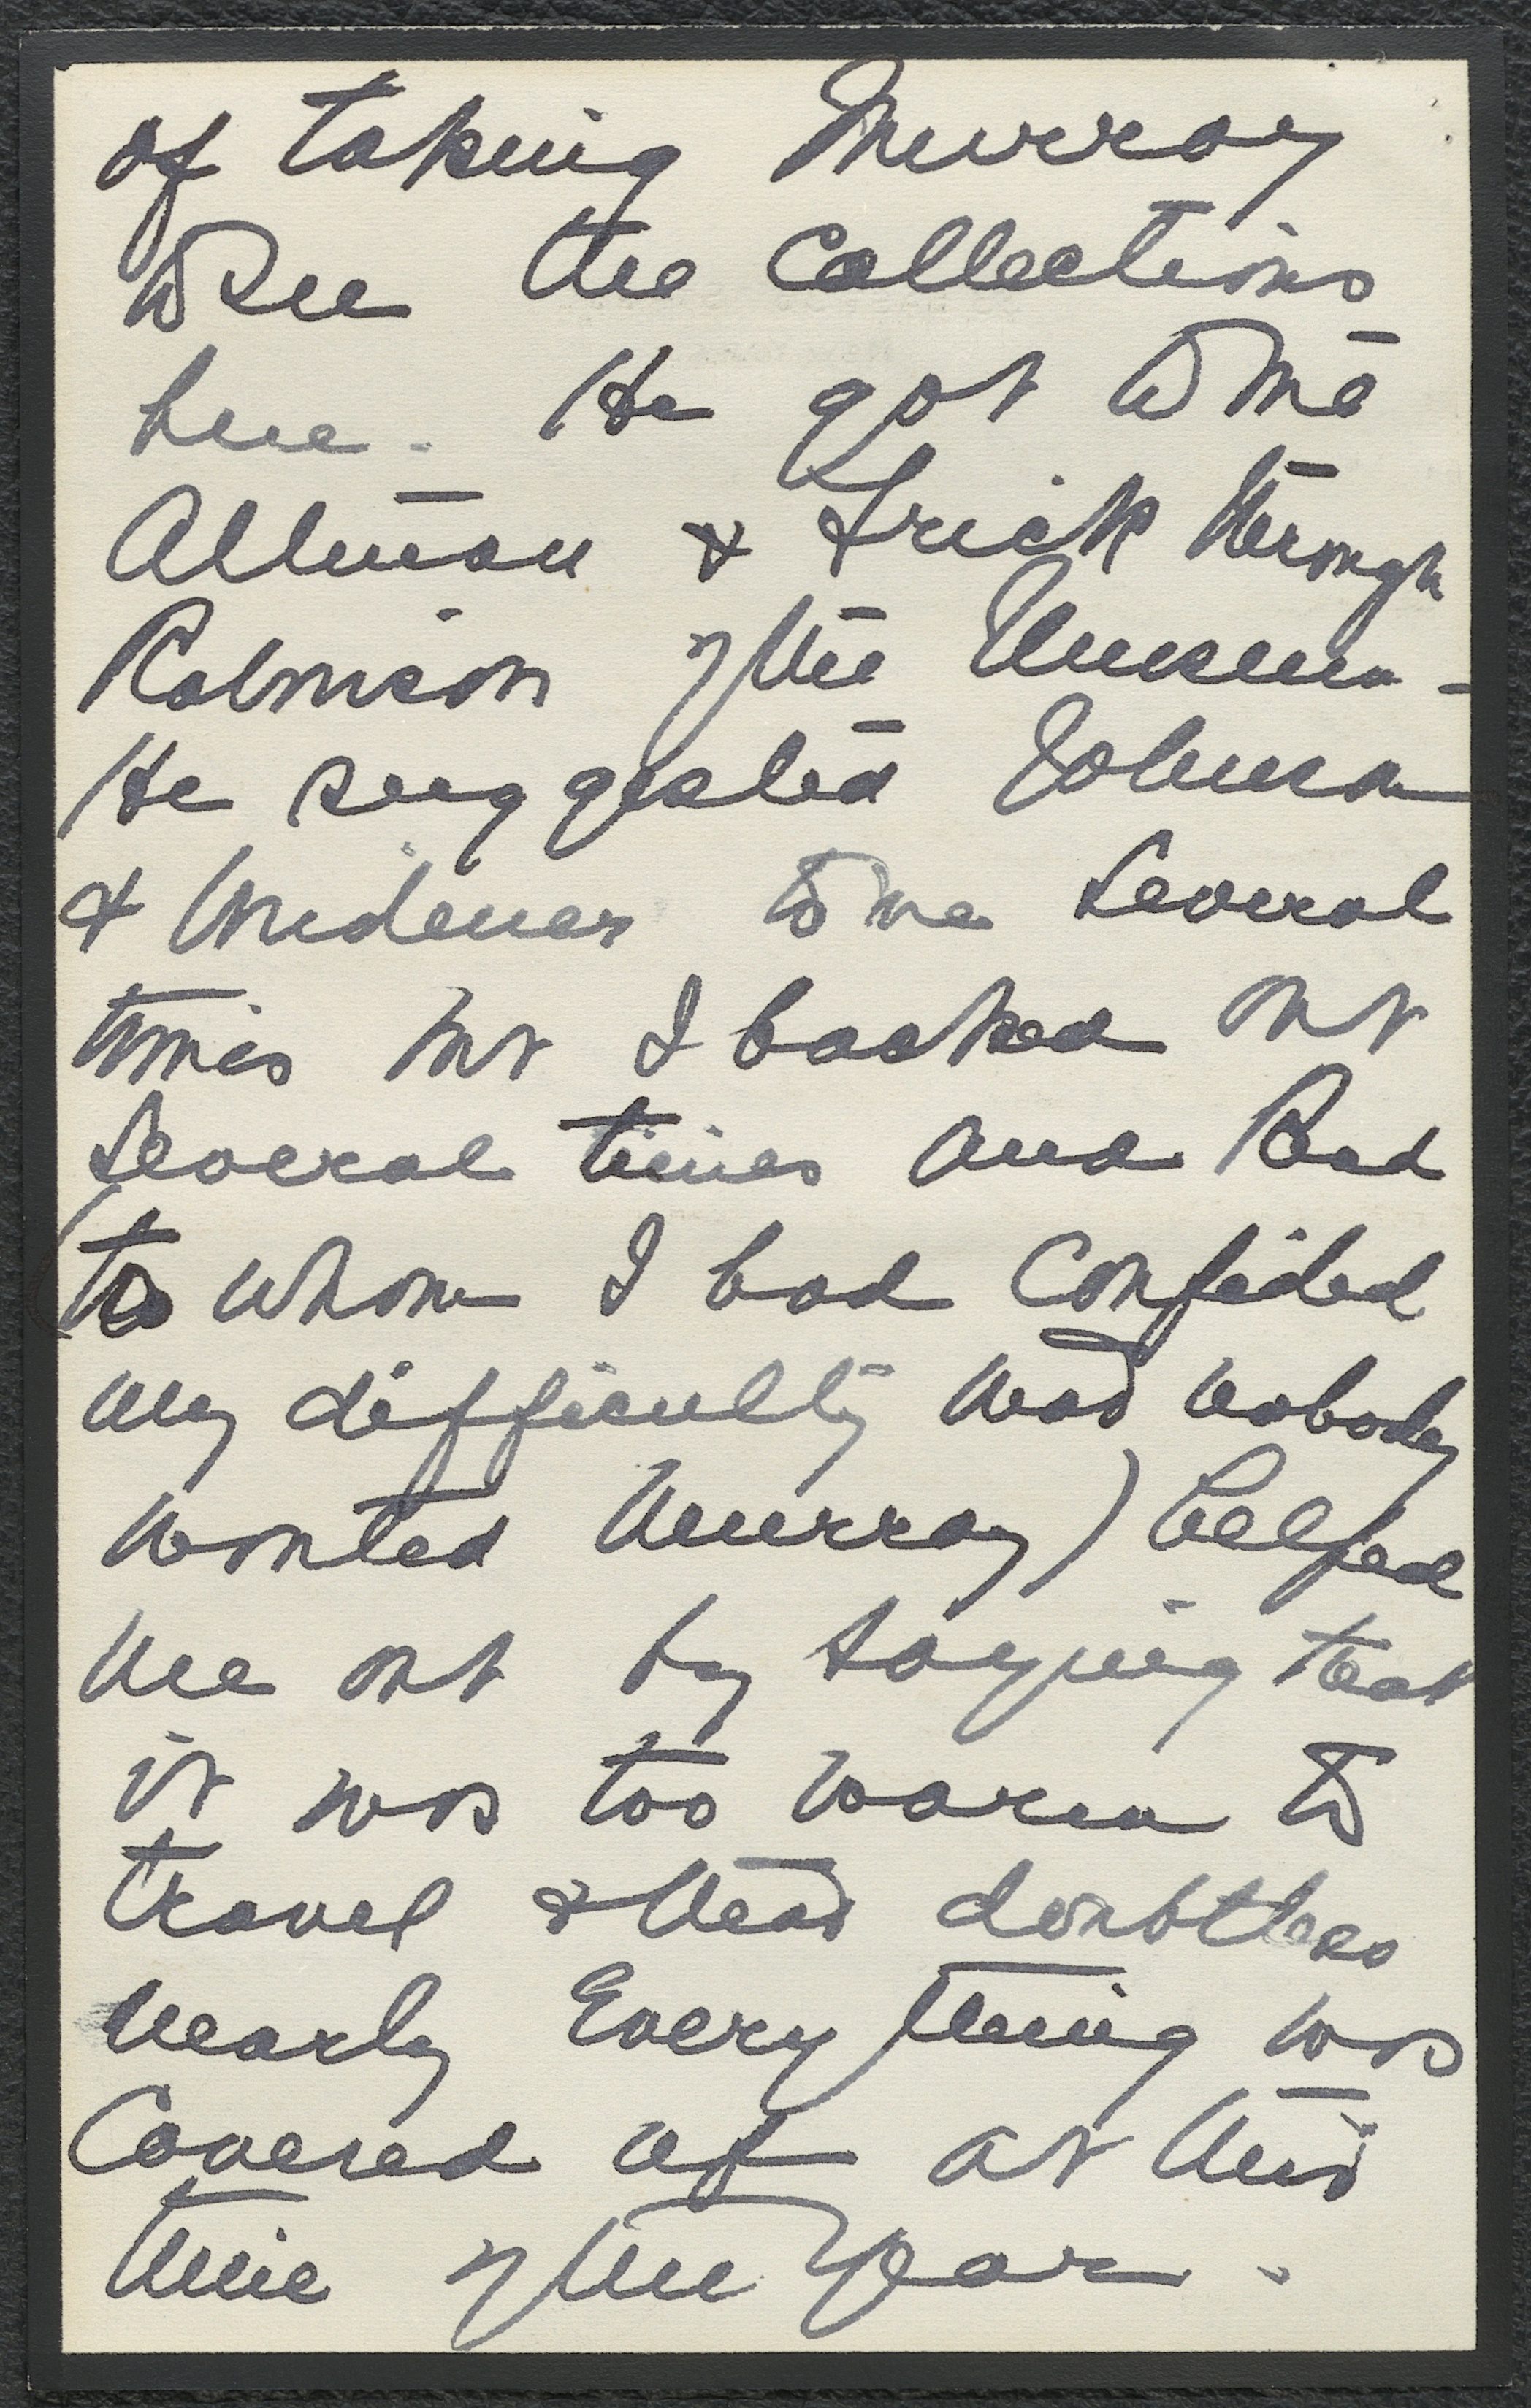of taking Murray to see the collections here. He got to the Altman & Frick through Robinson of the Museum – He suggested Johnson & Widener to me several times but I backed out several times and Read (to whom I had confided my difficulty that nobody wanted Murray) helped me out by saying that it was too warm to travel & that doubtless nearly everything was covered up at this time of the year.